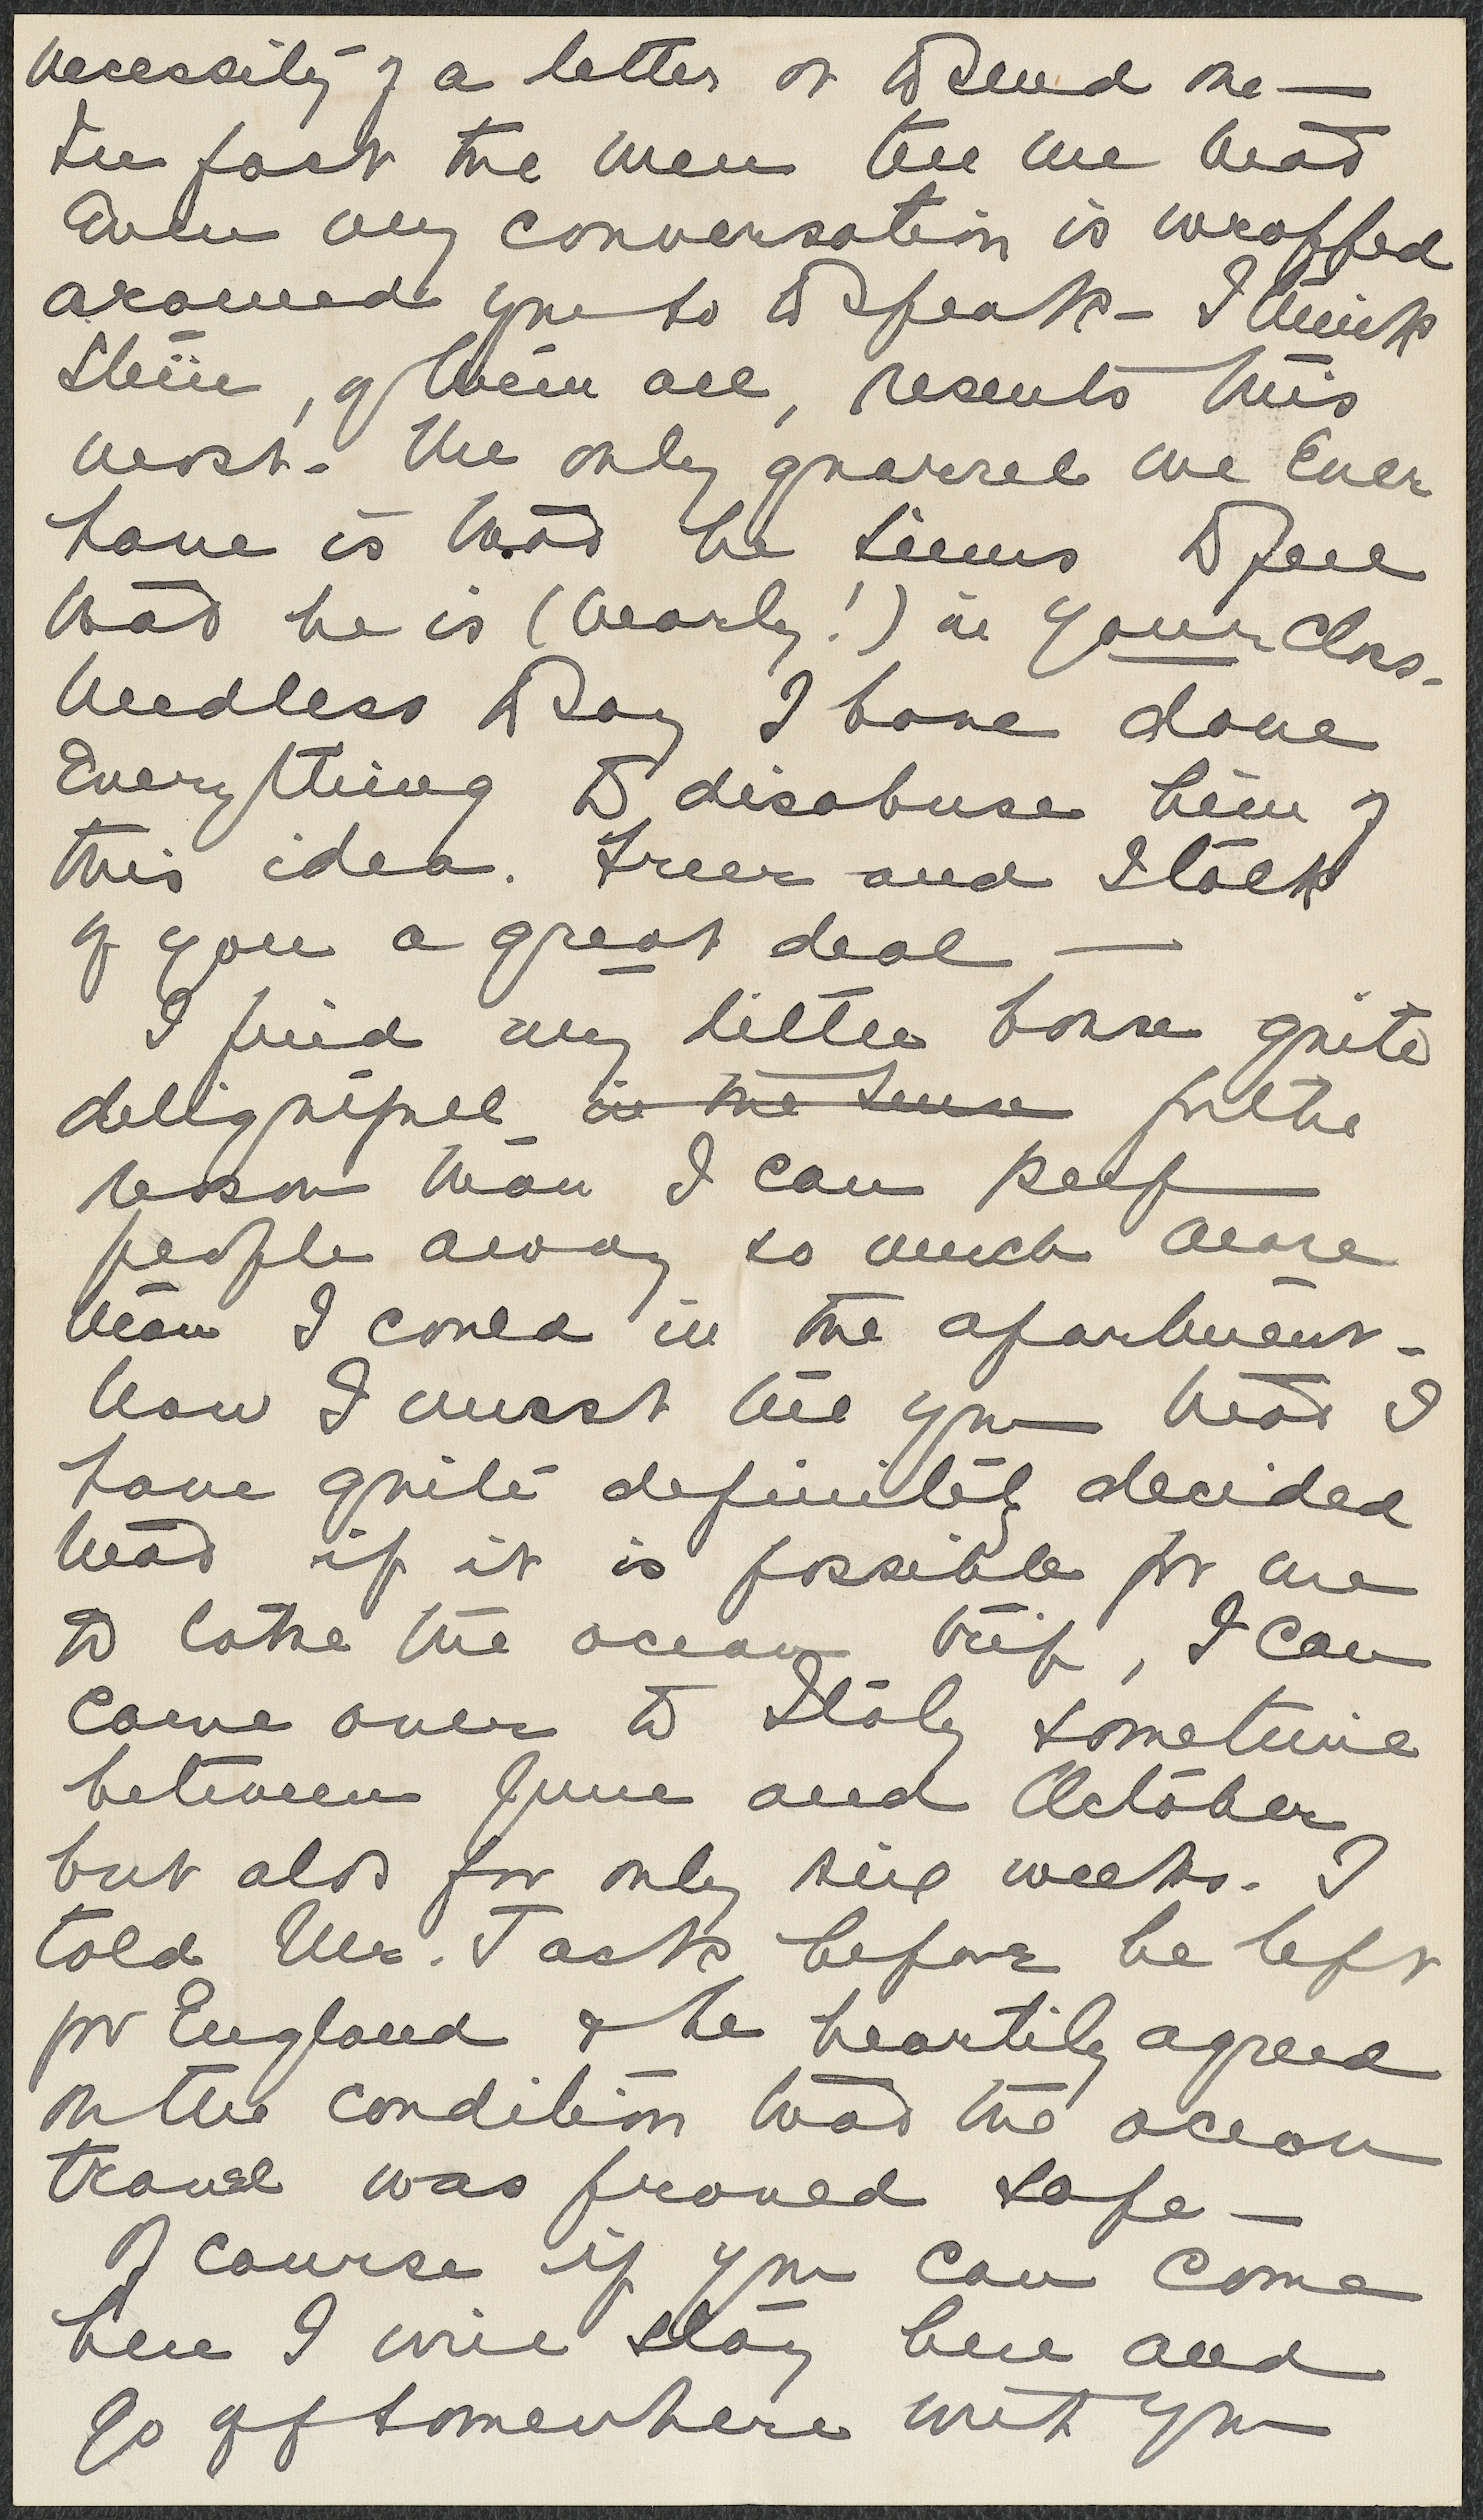necessity of a letter or to send one – In fact the men tell me that even my conversation is wrapped around you so to speak – I think Stein, of them all, resents this most. The only quarrel we ever have is that he seems to feel that he is (nearly!) in your class. Needless to say I have done everything to disabuse him of this idea Freer and I talk of you a great deal –
I find my little house quite delightful – in the sense for the reason than I can keep people away so much more than I could in the apartment – now I must tell you that I have quite definitely decided that if it is possible for me to take the ocean trip, I can come over to Italy sometime between June and October but alas for only six weeks. I told Mr. Jack before he left for England & he heartily agreed on the condition that the ocean travel was proved safe –
of course if you can come here I will stay here and go off somewhere with you –